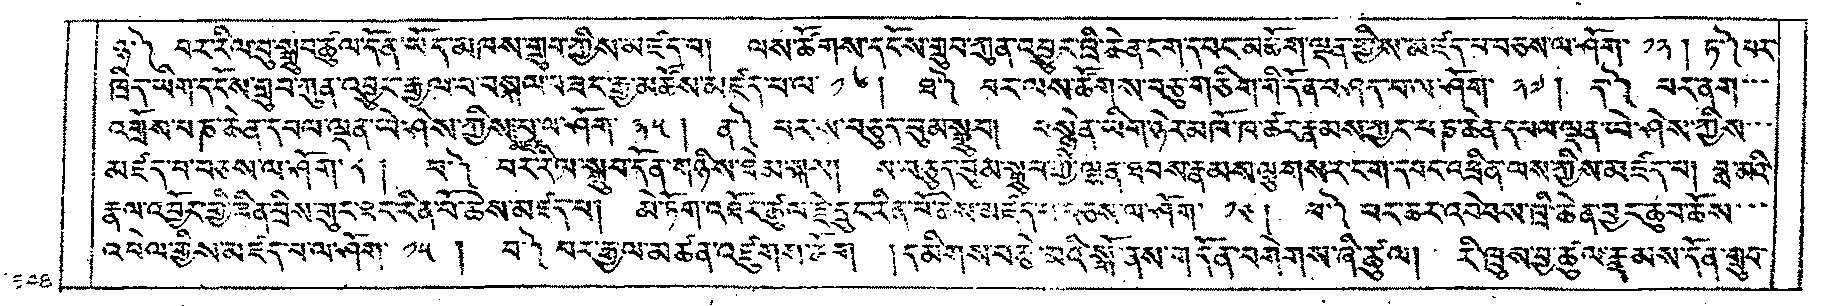ཉ྄་པར་རིལ་བུ་སྒྲུབ་ཚུལ་དོན་ཡོད་མཁས་གྲུབ་ཀྱིས་མཛད་པ། ལས་ཚོགས་དངོས་གྲུབ་ཀུན་འབྱུང་ཁྲི་ཆེན་ངག་དབང་མཆོག་ལྡན་གྱིས་མཛད་པ་བཅས་ལ་ཤོག ༡༢། ཏ྄་པར་
ཁྲིད་ཡིག་དངོས་གྲུབ་ཀུན་འབྱུང་རྒྱལ་བ་བསྐལ་བཟང་རྒྱ་མཚོས་མཛད་པ་ལ ༡༦། ཐ྄་པར་ལས་ཚོགས་བཅུ་གཅིག་གི་དོན་བཤད་པ་ལ་ཤོག ༢༧། ད྄་པར་ནག་
འགྲོས་པཎ་ཆེན་དཔལ་ལྡན་ཡེ་ཤེས་ཀྱིས་མཛད་པ་ལ་ཤོག ༣༥། ན྄་པར་ས་བཅུད་བུམ་སྒྲུབ། བསྙེན་ཡིག་ཉེར་མཁོ་ཁ་ཚར་རྣམས་ཀྱང་པཎ་ཆེན་དཔལ་ལྡན་ཡེ་ཤེས་ཀྱིས་
མཛད་པ་བཅས་ལ་ཤོག ༨། པ྄་པར་རིལ་སྒྲུབ་དོན་གཉིས་ཐེམ་སྐས། ས་བཅུད་བུམ་སྒྲུབ་ཀྱི་ལྷན་ཐབས་རྣམས་ལྕགས་ར་ངག་དབང་འཕྲིན་ལས་ཀྱིས་མཛད་པ། བླ་མའི་
རྣལ་འབྱོར་གྱི་ཟིན་བྲིས་གུང་ཐང་རིན་པོ་ཆེས་མཛད་པ། མེ་ཏོག་འཐོར་ཚུལ་རྗེ་དྲུང་རིན་པོ་ཆེས་མཛད་པ་བཅས་ལ་ཤོག ༡༤། ཕ྄་པར་ཆར་འབེབས་ཁྲི་ཆེན་བྱང་ཆུབ་ཆོས་
འཕེལ་གྱིས་མཛད་པ་ལ་ཤོག ༡༥། བ྄་པར་རྒྱལ་མཚན་འཛུགས་ཆོག །དམིགས་བརྩེ་མའི་སྒོ་ནས་གདོན་བགེགས་ཞི་ཚུལ། རི་ཁྲིས་བྱ་ཚུལ་རྣམས་དོན་གྲུབ་